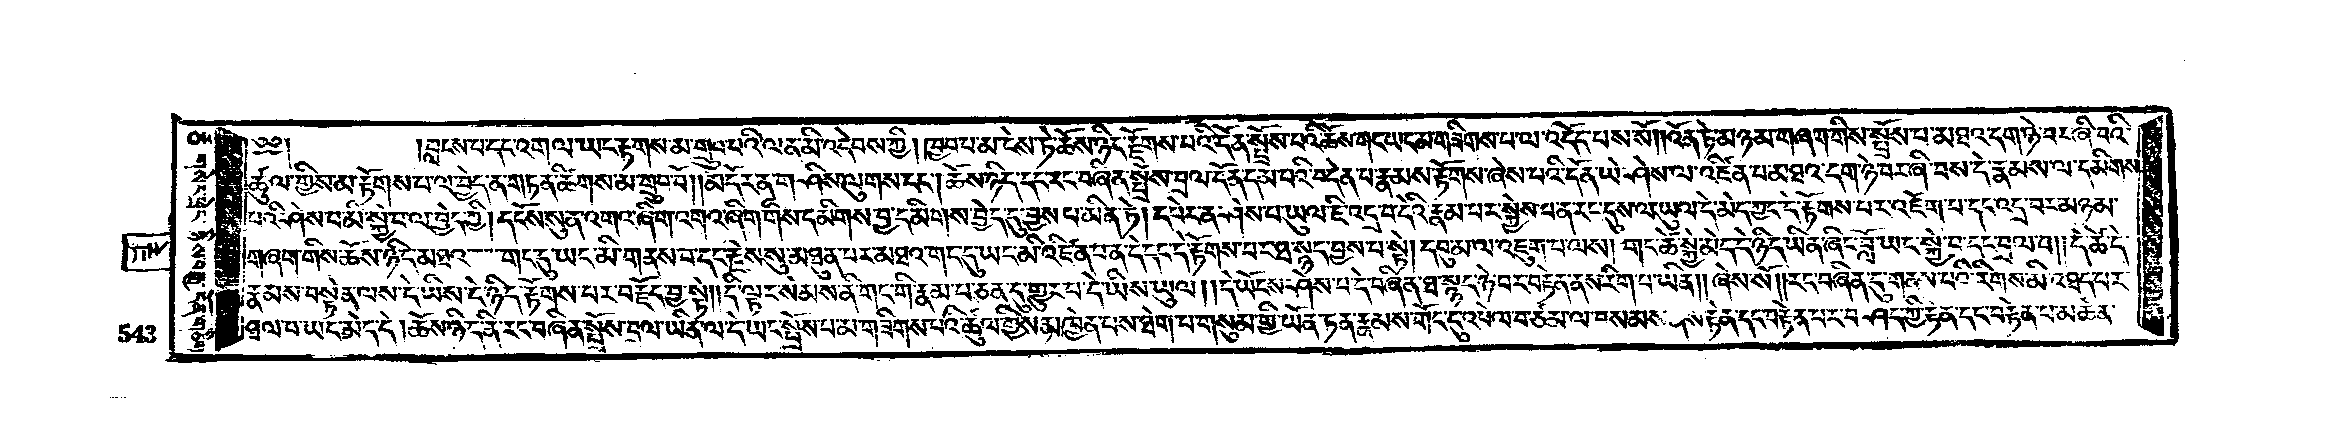༄༅། །བླངས་པ་དང་འགལ་ཡང་རྟགས་མ་གྲུབ་པའི་ལམ་མི་འདེབས་ཀྱི། ཁྱབ་པ་མ་ངེས་ཏེ་ཆོས་ཉིད་རྫོགས་པའི་དོན་སྤྲོས་པའི་ཆོས་གང་ཡང་མ་གཟིགས་པ་ལ་འདོད་པས་སོ། །འོན་ཏེ་མ་ཉམ་གཞག་གིས་སྤྲོས་པ་མཐའ་དག་ཉེ་བར་ཞི་བའི་
ཚུལ་གྱིས་མ་རྟོགས་པ་ལ་བྱེད་ན་གཏན་ཚིགས་མ་གྲུབ་བོ། །མདོར་ན་གཤིས་ལུགས་དང་། ཆོས་ཉིད་དང་རང་བཞིན་སྤྲོས་བྲལ་དོན་དམ་པའི་བདེན་པ་རྣམས་རྟོགས་ཞེས་པའི་དོན་ཡེ་ཤེས་ལ་འཛིན་པ་མཐའ་དག་ཉེ་བར་ཞི་བས་དེ་རྣམས་ལ་དམིགས་
པའི་ཤེས་པ་མི་སྐྱེ་བ་ལ་བྱེད་ཀྱི། དངོས་སུ་ན་འགའ་ཞིག་འགའ་ཞིག་གིས་དམིགས་བྱ་དམིགས་བྱེད་དུ་བྱས་པ་མིན་ཏེ། དཔེར་ན་ཤེས་པ་ཡུལ་ཇི་འདྲ་བ་དེའི་རྣམ་པར་སྐྱེས་པ་ན་རང་དུས་ལ་ཡུལ་དེ་མེད་ཀྱང་རྟོགས་པར་འཇོག་པ་དང་འདྲ་བར་མཉམ་
གཞག་གིས་ཆོས་ཉིད་མཐའ་གང་དུ་ཡང་མི་གནས་པ་དང་རྗེས་སུ་མཐུན་པར་མཐའ་གང་དུ་ཡང་མི་འཛིན་པ་ན་དེ་དང་དེ་རྟོགས་པ་ཐ་སྙད་བྱས་པ་སྟེ། དབུ་མ་ལ་འཇུག་པ་ལས། གང་ཚེ་སྐྱེ་མེད་དེ་ཉིད་ཡིན་ཞིང་བློ་ཡང་སྐྱེ་བ་དང་བྲལ་བ། དེ་ཚེ་དེ་
རྣམས་བསྟེན་ལས་དེ་ཡིས་དེ་ཉིད་རྟོགས་པར་བརྗོད་བྱ་སྟེ། །དི་ལྟར་སེམས་ནི་གང་གི་རྣམ་པ་ཅན་དུ་གྱུར་པ་དེ་ཡིས་ཡུལ། །དེ་ཡོངས་ཤེས་པ་དེ་བཞིན་ཐ་སྙད་ཉེ་བར་བརྟེན་ནས་རིག་པ་ཡིན། །ཞེས་སོ། །རང་བཞིན་དུ་གནས་པའི་རིགས་མི་འཐད་པར་
ཐལ་བ་ཡང་མེད་དེ། ཆོས་ཉིད་ད་ནི་རང་བཞིན་སྤྲོས་བྲལ་ཡིན་ལ་དེ་ཡང་སྤྲོས་པ་མ་གཟིགས་པའི་ཚུལ་གྱིས་མཁྱེན་པས་ཐེག་པ་གསུམ་གྱི་ཡོན་ཏན་རྣམས་གོང་དུ་འཕེལ་བ་ཙམ་ལ་བསམས་ནས་རྟེན་དང་བརྟེན་པར་བཤད་ཀྱི་རྟེན་དང་བརྟེན་པ་མཚན་